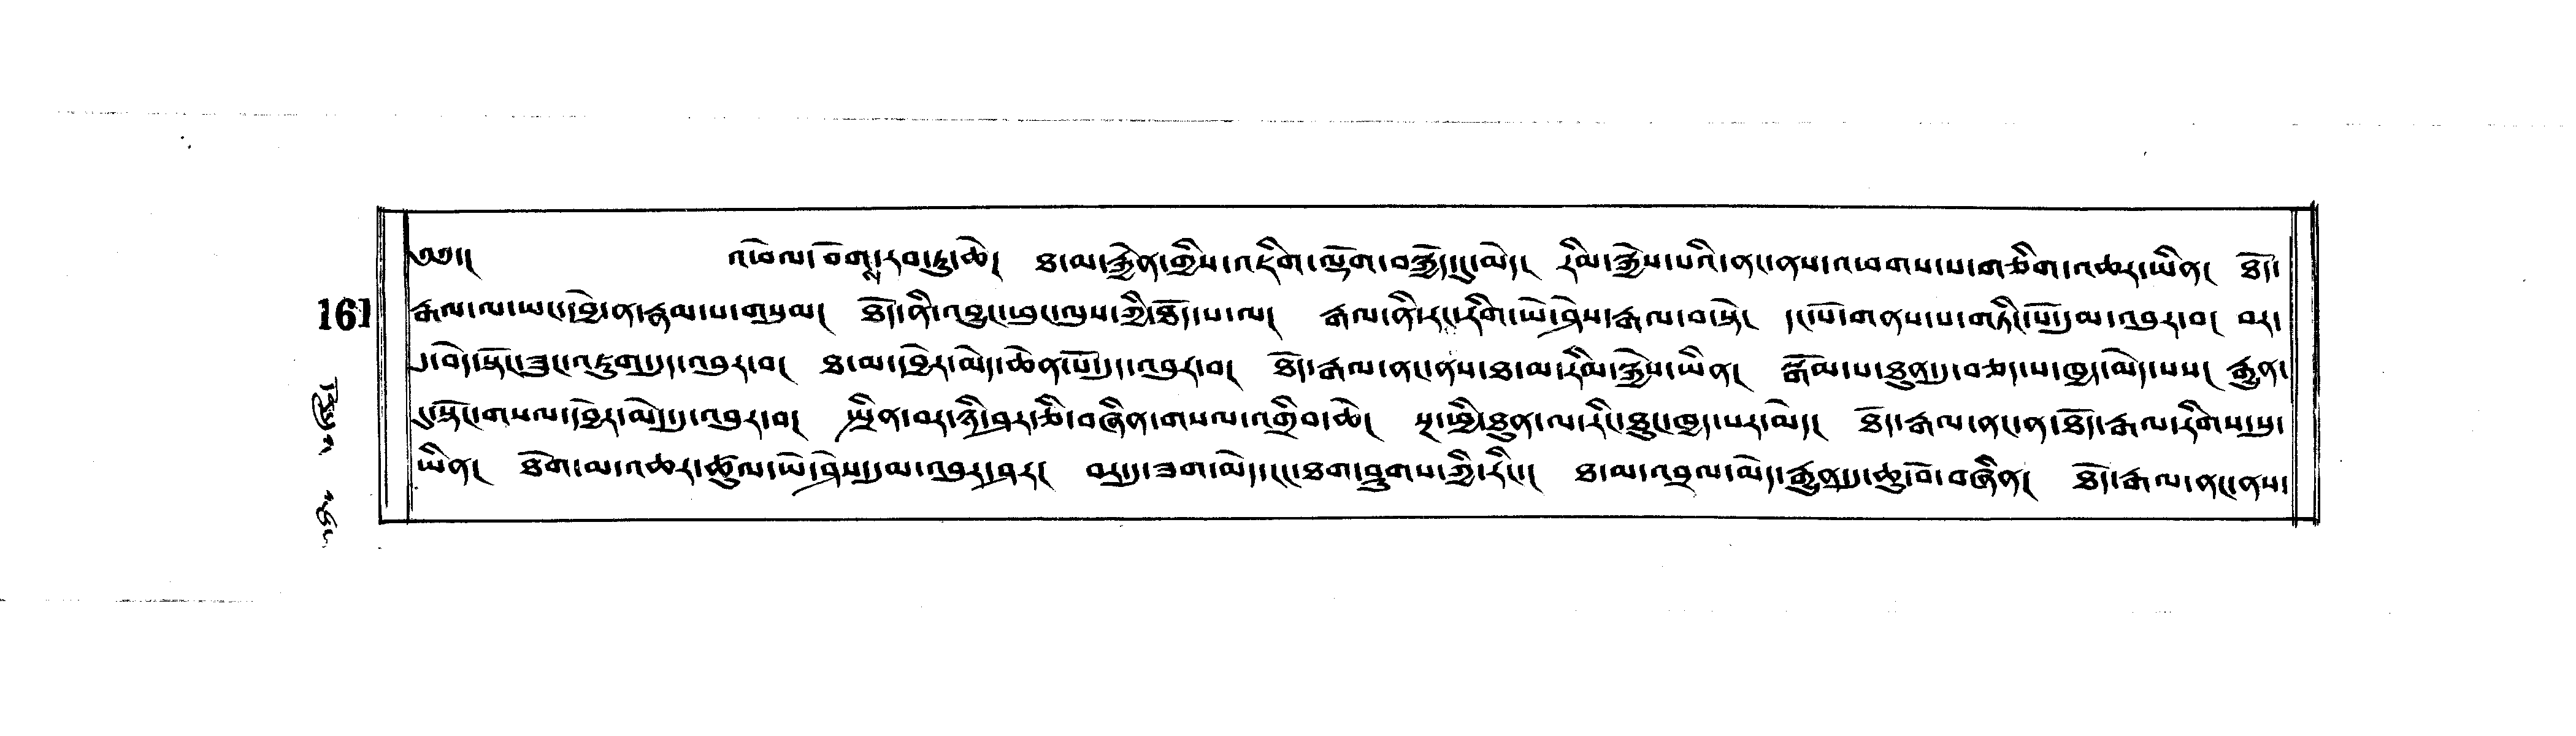འཕེལ་བོགས་ཤིན་ཏུ་ཆེ། ཐ་མ་རྐྱེན་གྱིས་འཇིག་ལྡོག་བསྐྱོད་དུ་མེད། རིམ་སྐྱེས་པའི་ནང་ནས་འཕགས་པ་ཅིག་ཆར་ཡིན། ཐོད་རྒལ་ལ་ཡང་དབྱེ་ན་རྣམ་པ་གསུམ། ཐོད་
ནི་འབྱུང་ཕུང་ལུས་ཀྱི་ཐོད་པ་ལ། རྒལ་ནི་རང་རིག་ཡེ་ཤེས་རྒལ་བ་སྟེ། དང་པོ་གནས་པ་གཏིང་པོ་དུམ་འབུར་བ། བར་
དུ་བདེ་སྟོང་ཟུང་འཇུག་དུད་འབུར་བ། ཐ་མ་དབྱེར་མེད་ཆེན་པོ་དུད་འབུར་བ། ཐོད་རྒལ་ནང་ནས་ཐ་མ་རིམ་སྐྱེས་ཡིན། སྒོམ་པ་ཐུན་དུ་བཅད་ཁྱད་མེད་པས། རྒྱུན་
དུ་སྟོང་གསལ་དབྱེར་མེད་དུམ་འབུར་བ། སྤྲིན་བར་ཉི་ཤར་ཅི་བཞིན་གསལ་འགྲིབ་ཆེ། སྔ་ཕྱི་ཐུན་ལ་རིང་ཐུང་ཁྱད་པར་མེད། ཐོད་རྒལ་ནང་ན་ཐོད་རྒལ་རིགས་སུ་
ཡིན། ཐོག་མ་འཆར་ཚུལ་ཡེ་ཤེས་དུམ་བུར་ཤར། བར་དུ་ཟག་མེད་ངང་ཐག་ཤུགས་ཀྱིས་རིང་། ཐ་མ་འབྲལ་མེད་རྒྱུན་དུ་ཆུ་བོ་བཞིན། ཐོད་རྒལ་ནང་ནས་